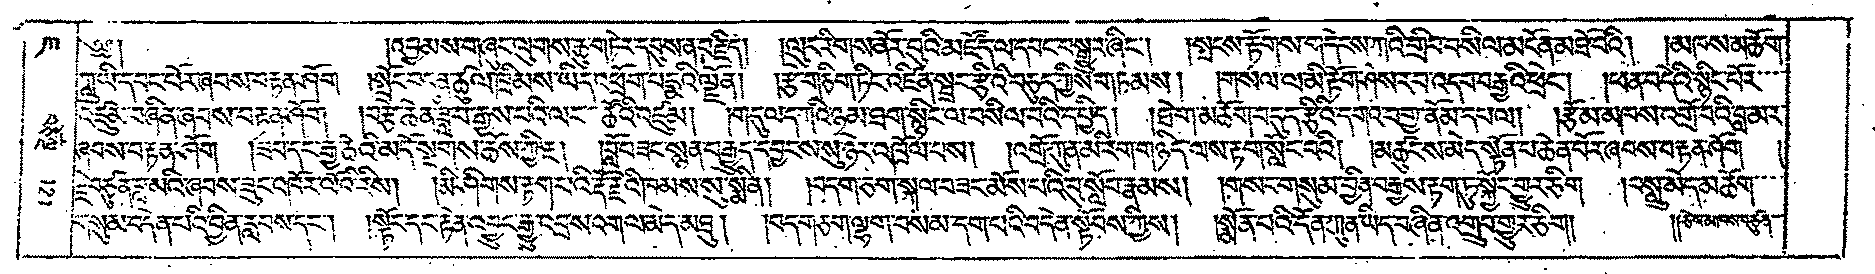༄༅། །འབྱམས་གཞུང་ལུགས་ཆུ་གཏེར་དབུས་ན་བརྗིད། །ལུང་རིགས་ནོར་བུའི་མཛོད་ལ་དབང་བསྒྱུར་ཞིང་། །སྤངས་རྟོགས་གདེངས་ཀའི་གྲིབ་བསིལ་མངོན་མཐོ་བའི། །མཁས་མཆོག་
ཀླུ་ཡི་དབང་པོར་ཞབས་བརྟན་ཤོག །སྤྲོང་བདུན་ཚུལ་ཁྲིམས་ཡིད་འཕྲོག་པདམའི་ལྗོན། །རྩེ་གཅིག་ཏིང་འཛིན་སྦྲང་རྩིའི་བཅུད་ཀྱིས་གཏམས། །གསལ་ལ་མི་རྟོག་ཤེས་རབ་འདབ་བརྒྱའི་ཕྲེང་། །ཕན་བདེའི་སྙིང་པོར་
འཛུམ་བཞིན་ཞབས་བརྟན་ཤོག །བརྩེ་ཆེན་ཟླ་བ་རྒྱས་པའི་ལང་ཚོའི་འཛུམ། །གདུལ་དཀའི་ཉམ་ཐག་སྙིང་ལ་བསིལ་བའི་དཔྱིད། །ཐེག་མཆོག་བདུད་རྩིའི་དགའ་བ་གྱ་ནོམ་དཔལ། །རྩོམ་མཁས་འགྲོ་བའི་བླ་མར་
ཞབས་བརྟན་ཤོག །ཟབ་དང་རྒྱ་ཆེའི་མདོ་སྔགས་ཆོས་ཀྱི་རྔ། །བློ་བཟང་སྙན་བརྒྱུད་དབྱངས་སུ་ཉེར་འཁྲོལ་པས། །འགྲོ་ཀུན་མ་རིག་གཉིད་ལས་རྟག་སློང་བའི། །མཚུངས་མེད་སྟོན་པ་ཆེན་པོར་ཞབས་བརྟན་ཤོག །
རྗེ་བཙུན་བླ་མའི་ཞབས་ཟུང་འཁོར་ལོའི་རིས། །མི་ཤིགས་རྟག་པའི་རྡོ་རྗེའི་ཁམས་སུ་སྨིན། །བདག་ཅག་སྐལ་བཟང་མོས་པའི་བུ་སློབ་རྣམས། །གསང་གསུམ་བྱིན་བརྒྱས་རྟག་ཏུ་སྐྱོང་གྱུར་ཅིག །བསླུ་མེད་མཆོག་
གསུམ་བདེན་པའི་བྱིན་རླབས་དང་། །སྟོང་དང་རྟེན་འབྱུང་རྒྱུ་འབྲས་འགལ་མེད་མཐུ། །བདག་ཅག་ལྷག་བསམ་དག་པའི་བདེན་སྟོབས་ཀྱིས། །སྨོན་པའི་དོན་ཀུན་ཡིད་བཞིན་འགྲུབ་གྱུར་ཅིག ། །།ཅེས་མཁས་བཙུན་